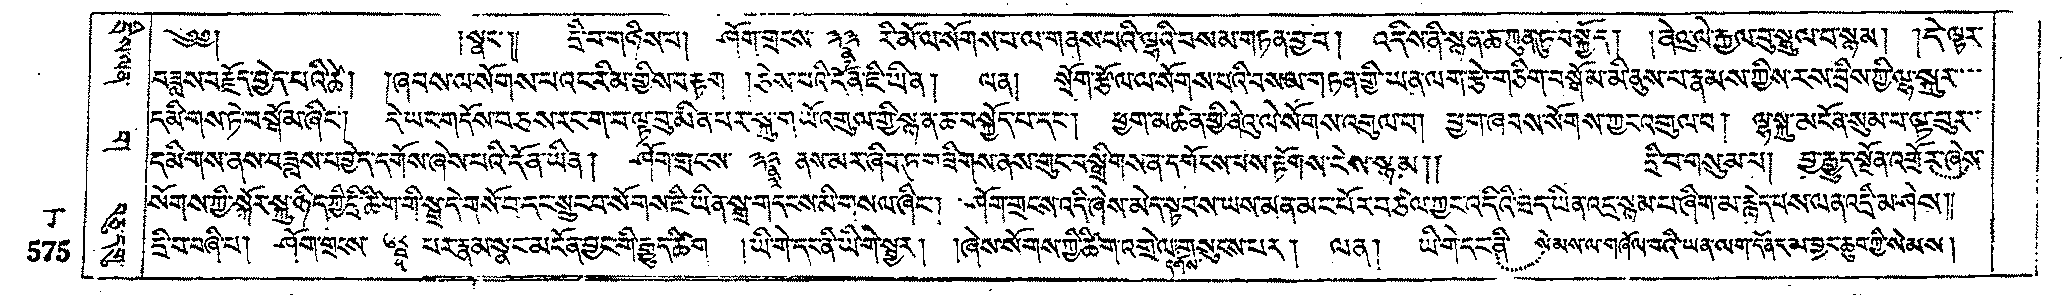༄༅། །སྣང།། དྲི་བ་གཉིས་པ། ཤོག་གྲངས ༣༣ན༡་རི་མོ་ལ་སོགས་པ་ལ་གནས་པའི་ལྷའི་བསམ་གཏན་བྱ་བ། འདིས་ནི་སྙན་ཆ་ཀུན་ཏུ་བསྐྱོད། །ནེའུ་ལེ་རྐྱལ་བུ་སྒུལ་བ་སྙམ། །དེ་ལྟར་
བཟླས་བརྗོད་བྱེད་པའི་ཚེ། །ཞབས་ལ་སོགས་པའང་རིམ་གྱིས་བརྟག །ཅེས་པའི་དོན་ཇི་ཡིན། ལན། སྲོག་རྩོལ་ལ་སོགས་པའི་བསམ་གཏན་གྱི་ཡན་ལག་རྩེ་གཅིག་བསྒོམ་མི་ནུས་པ་རྣམས་ཀྱིས་རས་བྲིས་ཀྱི་ལྷ་སྐུར་་་
དམིགས་ཏེ་བསྒོམ་ཞིང་། དེ་ཡང་གདོས་བཅས་རང་ག་བ་ལྟ་བུ་མིན་པར་སྐུ་གཡོ་འགུལ་གྱི་སྙན་ཆ་བསྐྱོད་པ་དང་། ཕྱག་མཚན་གྱི་ནེའུ་ལེ་སོགས་འགུལ་བ། ཕྱག་ཞབས་སོགས་ཀྱང་འགུལ་བ། ལྷ་སྐུ་མངོན་སུམ་པ་ལྟ་བུར་་་
དམིགས་ནས་བཟླས་པ་བྱེད་དགོས་ཞེས་པའི་དོན་ཡིན། ཤོག་གྲངས ༣༢ན༣་ནས་མར་ཞིབ་ཏུ་གཟིགས་ནས་གུང་བསྒྲིགས་ན་དགོངས་པས་རྟོགས་ངེས་སྙམ།། དྲི་བ་གསུམ་པ། བྱ་རྒྱུད་སྔོན་འགྲོར་ཞེས་
སོགས་ཀྱི་སྐོར་སྐུ་ཉིད་ཀྱི་དྲི་ཚིག་གི་སྒྲ་དེ་གསོ་བ་དང་སྲུང་བ་སོགས་ཇི་ཡིན་སྒྲ་གདངས་མི་གསལ་ཞིང་། ཤོག་གྲངས་འདི་ཞེས་མེད་སྟབས་ཡས་མན་མང་པོར་བཙལ་ཀྱང་འདིའི་ཐད་ཡིན་འདྲ་སྙམ་པ་ཞིག་མ་རྙེད་པས་ལན་འདྲི་མ་ཤེས།།
དྲི་བ་བཞི་པ། ཤོག་གྲངས ༦༨་བ ༥་པར་རྣམ་སྣང་མངོན་བྱང་གི་རྒྱུད་ཚིག །ཡི་གེ་དང་ནི་ཡི་གེ་སྦྱར། །ཞེས་སོགས་ཀྱི་ཚིག་འགྲེལ་དགོས་གསུངས་པར། ལན། ཡི་གེ་དང་སེམས་ལ་གཞོལ་བའི་ཡན་ལག་དོན་དམ་བྱང་ཆུབ་ཀྱི་སེམས་ནི།